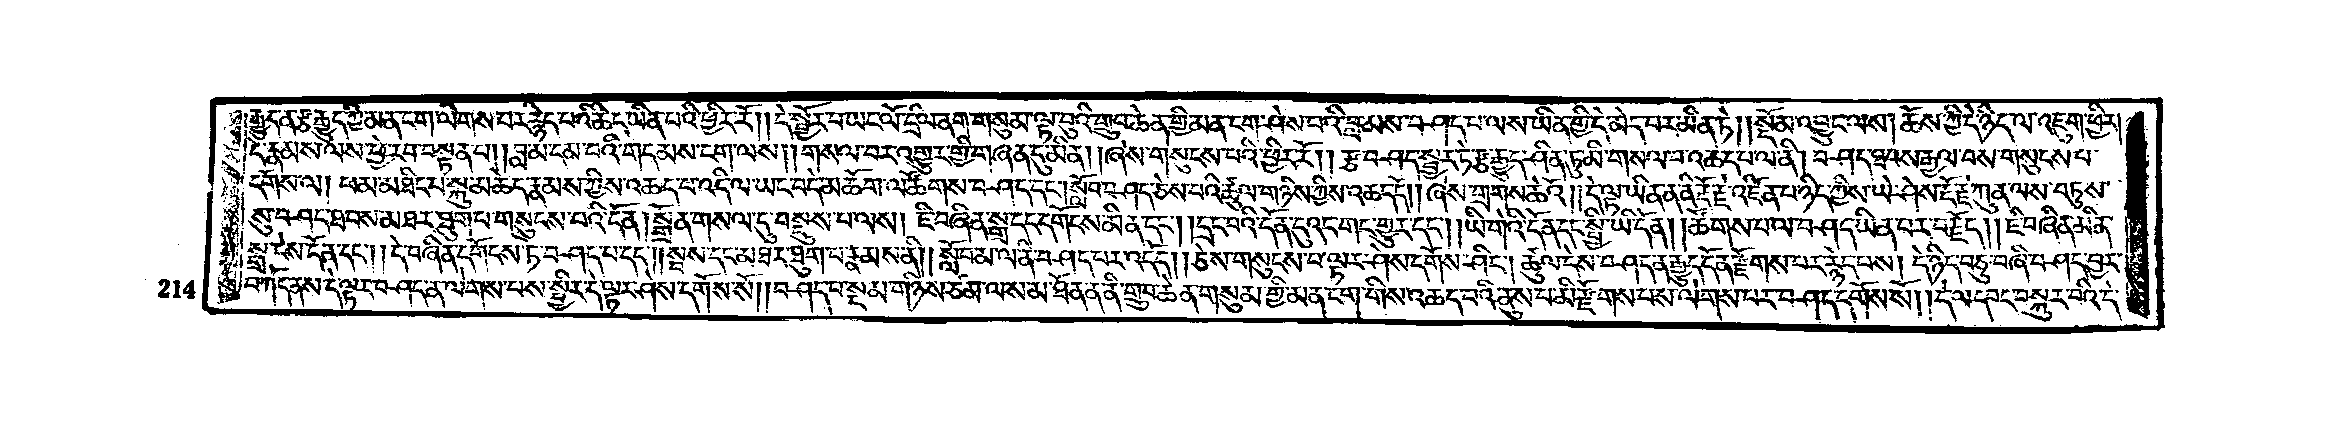རྒྱུད་ནི་རྩ་རྒྱུད་ཀྱི་མན་ངག་ལེགས་པར་རྙེད་པའི་ཆེད་ཡིན་པའི་ཕྱིར་རོ། །དེ་སྦྱོར་བ་ཡང་ལོ་དྲིལ་ནག་གསུམ་ལྟ་བུའི་གྲུབ་ཆེན་གྱི་མན་ངག་ཤེས་པའི་བླ་མས་བཤད་པ་ལས་ཡིན་གྱི་དེ་མེད་པར་མིན་ཏེ། །སྡོམ་འབྱུང་ལས། ཆོས་ཀྱི་དེ་ཉིད་ལ་འཇུག་ཕྱིར།
དེ་རྣམས་ལས་ཕྱེ་རབ་བསྟན་པ། །བླ་མ་དམ་པའི་གདམས་ངག་ལས། །གསལ་བར་འགྱུར་གྱི་གཞན་དུ་མིན། །ཞེས་གསུངས་པའི་ཕྱིར་རོ། །རྩ་བཤད་སྦྱར་ཏེ་རྩ་རྒྱུད་ཤིན་ཏུ་མི་གསལ་བ་འཆད་པ་ལ་ནི། བཤད་ཐབས་རྒྱལ་བས་གསུངས་པ་
དགོས་ལ། ཕམ་མཐིང་པ་སྐུ་མཆེད་རྣམས་ཀྱིས་འཆད་པ་འདི་ལ་ཡང་བདེ་མཆོག་ལ་ཚོགས་བཤད་དང་། སློབ་བཤད་ཅེས་པའི་ཚུལ་གཉིས་ཀྱིས་འཆད་དོ། །ཞེས་གྲགས་ཆེའོ། །དེ་ལྟ་ཡིན་ན་ནི་རྡོ་རྗེ་འཛིན་པ་ཉིད་ཀྱིས་ཡེ་ཤེས་རྡོ་རྗེ་ཀུན་ལས་བཏུས་
སུ་བཤད་ཐབས་མཐར་ཐུག་པ་གསུངས་པའི་དོན། སྒྲོན་གསལ་དུ་བསྡུས་པ་ལས། ཇི་བཞིན་སྒྲ་དང་དགོངས་མིན་དང་། །དྲང་བའི་དོན་དུའང་གང་གྱུར་དང་། །ཡི་གེའི་དོན་དང་སྤྱི་ཡི་དོན། །ཚོགས་པ་ལ་བཤད་ཡིན་པར་བརྗོད། །ཇི་བཞིན་མིན་
སྒྲ་ངེས་དོན་དང་། །དེ་བཞིན་དགོངས་ཏེ་བཤད་པ་དང་། །སྦས་དང་མཐར་ཐུག་པ་རྣམས་ནི། །སློབ་མ་ལ་ནི་བཤད་པར་འདོད། །ཅེས་གསུངས་པ་ལྟར་ཤེས་དགོས་ཤིང་། ཚུལ་དེས་བཤད་ན་རྒྱུད་དོན་རྫོགས་པར་རྙེད་པས། དེ་ཉིད་བཅུ་བཞི་བཤད་བྱར་
བཀོད་ནས་དེ་ལྟར་བཤད་ན་ལེགས་པས་སྤྱིར་དེ་ལྟར་ཤེས་དགོས་སོ། །བཤད་པ་སྔ་མ་གཉིས་ཙམ་ལས་མ་ཐོན་ན་ནི་གྲུབ་ཆེན་གསུམ་གྱི་མན་ངག་གིས་འཆད་པའི་ནུས་པ་མི་རྫོགས་པས་ལེགས་པར་བཤད་དགོས་སོ། །དེ་ལ་དབང་བསྐུར་བའི་དེ་